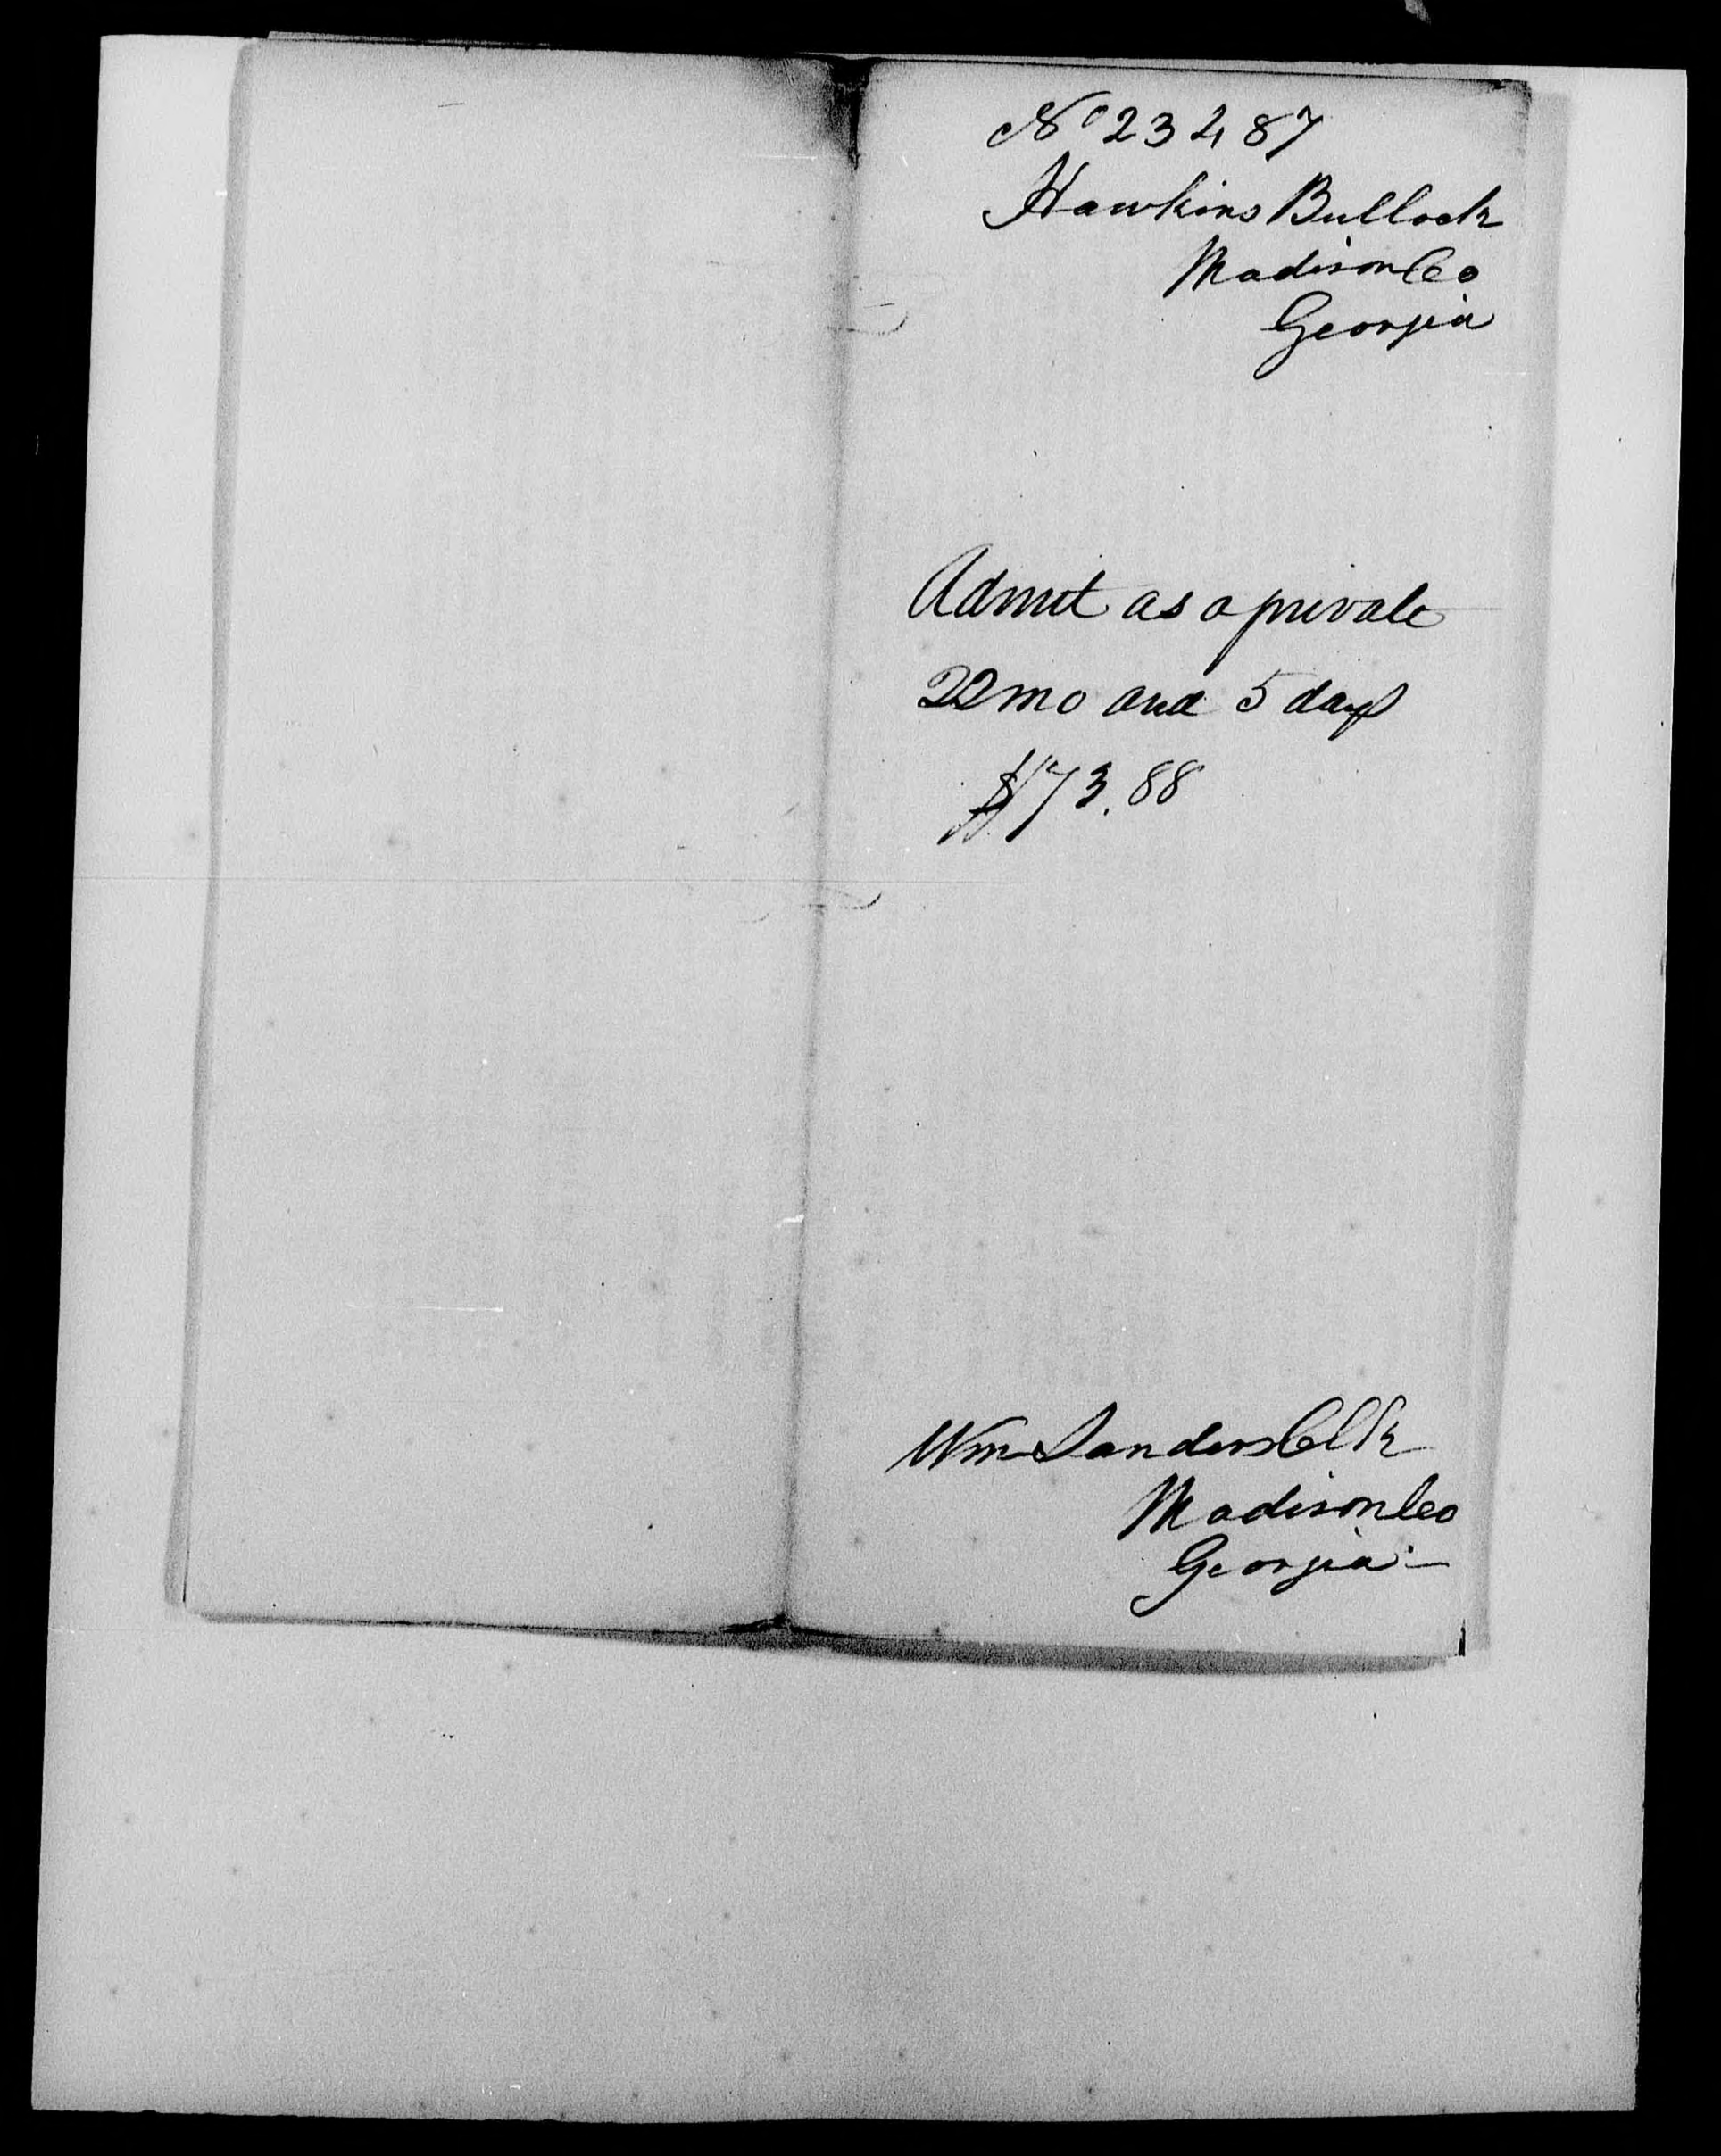No 23487
Hawkins Bullock
Madison Co
Georgia

Admit as a private
22 mo and 5 days
$173.88

Wm Sanders Clk
Madison Co
Georgia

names: Hawkins Bullock, Wm Sanders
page: 7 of 24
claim: survivor's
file: S. 31,586, Hawkins Bullock, S.C.